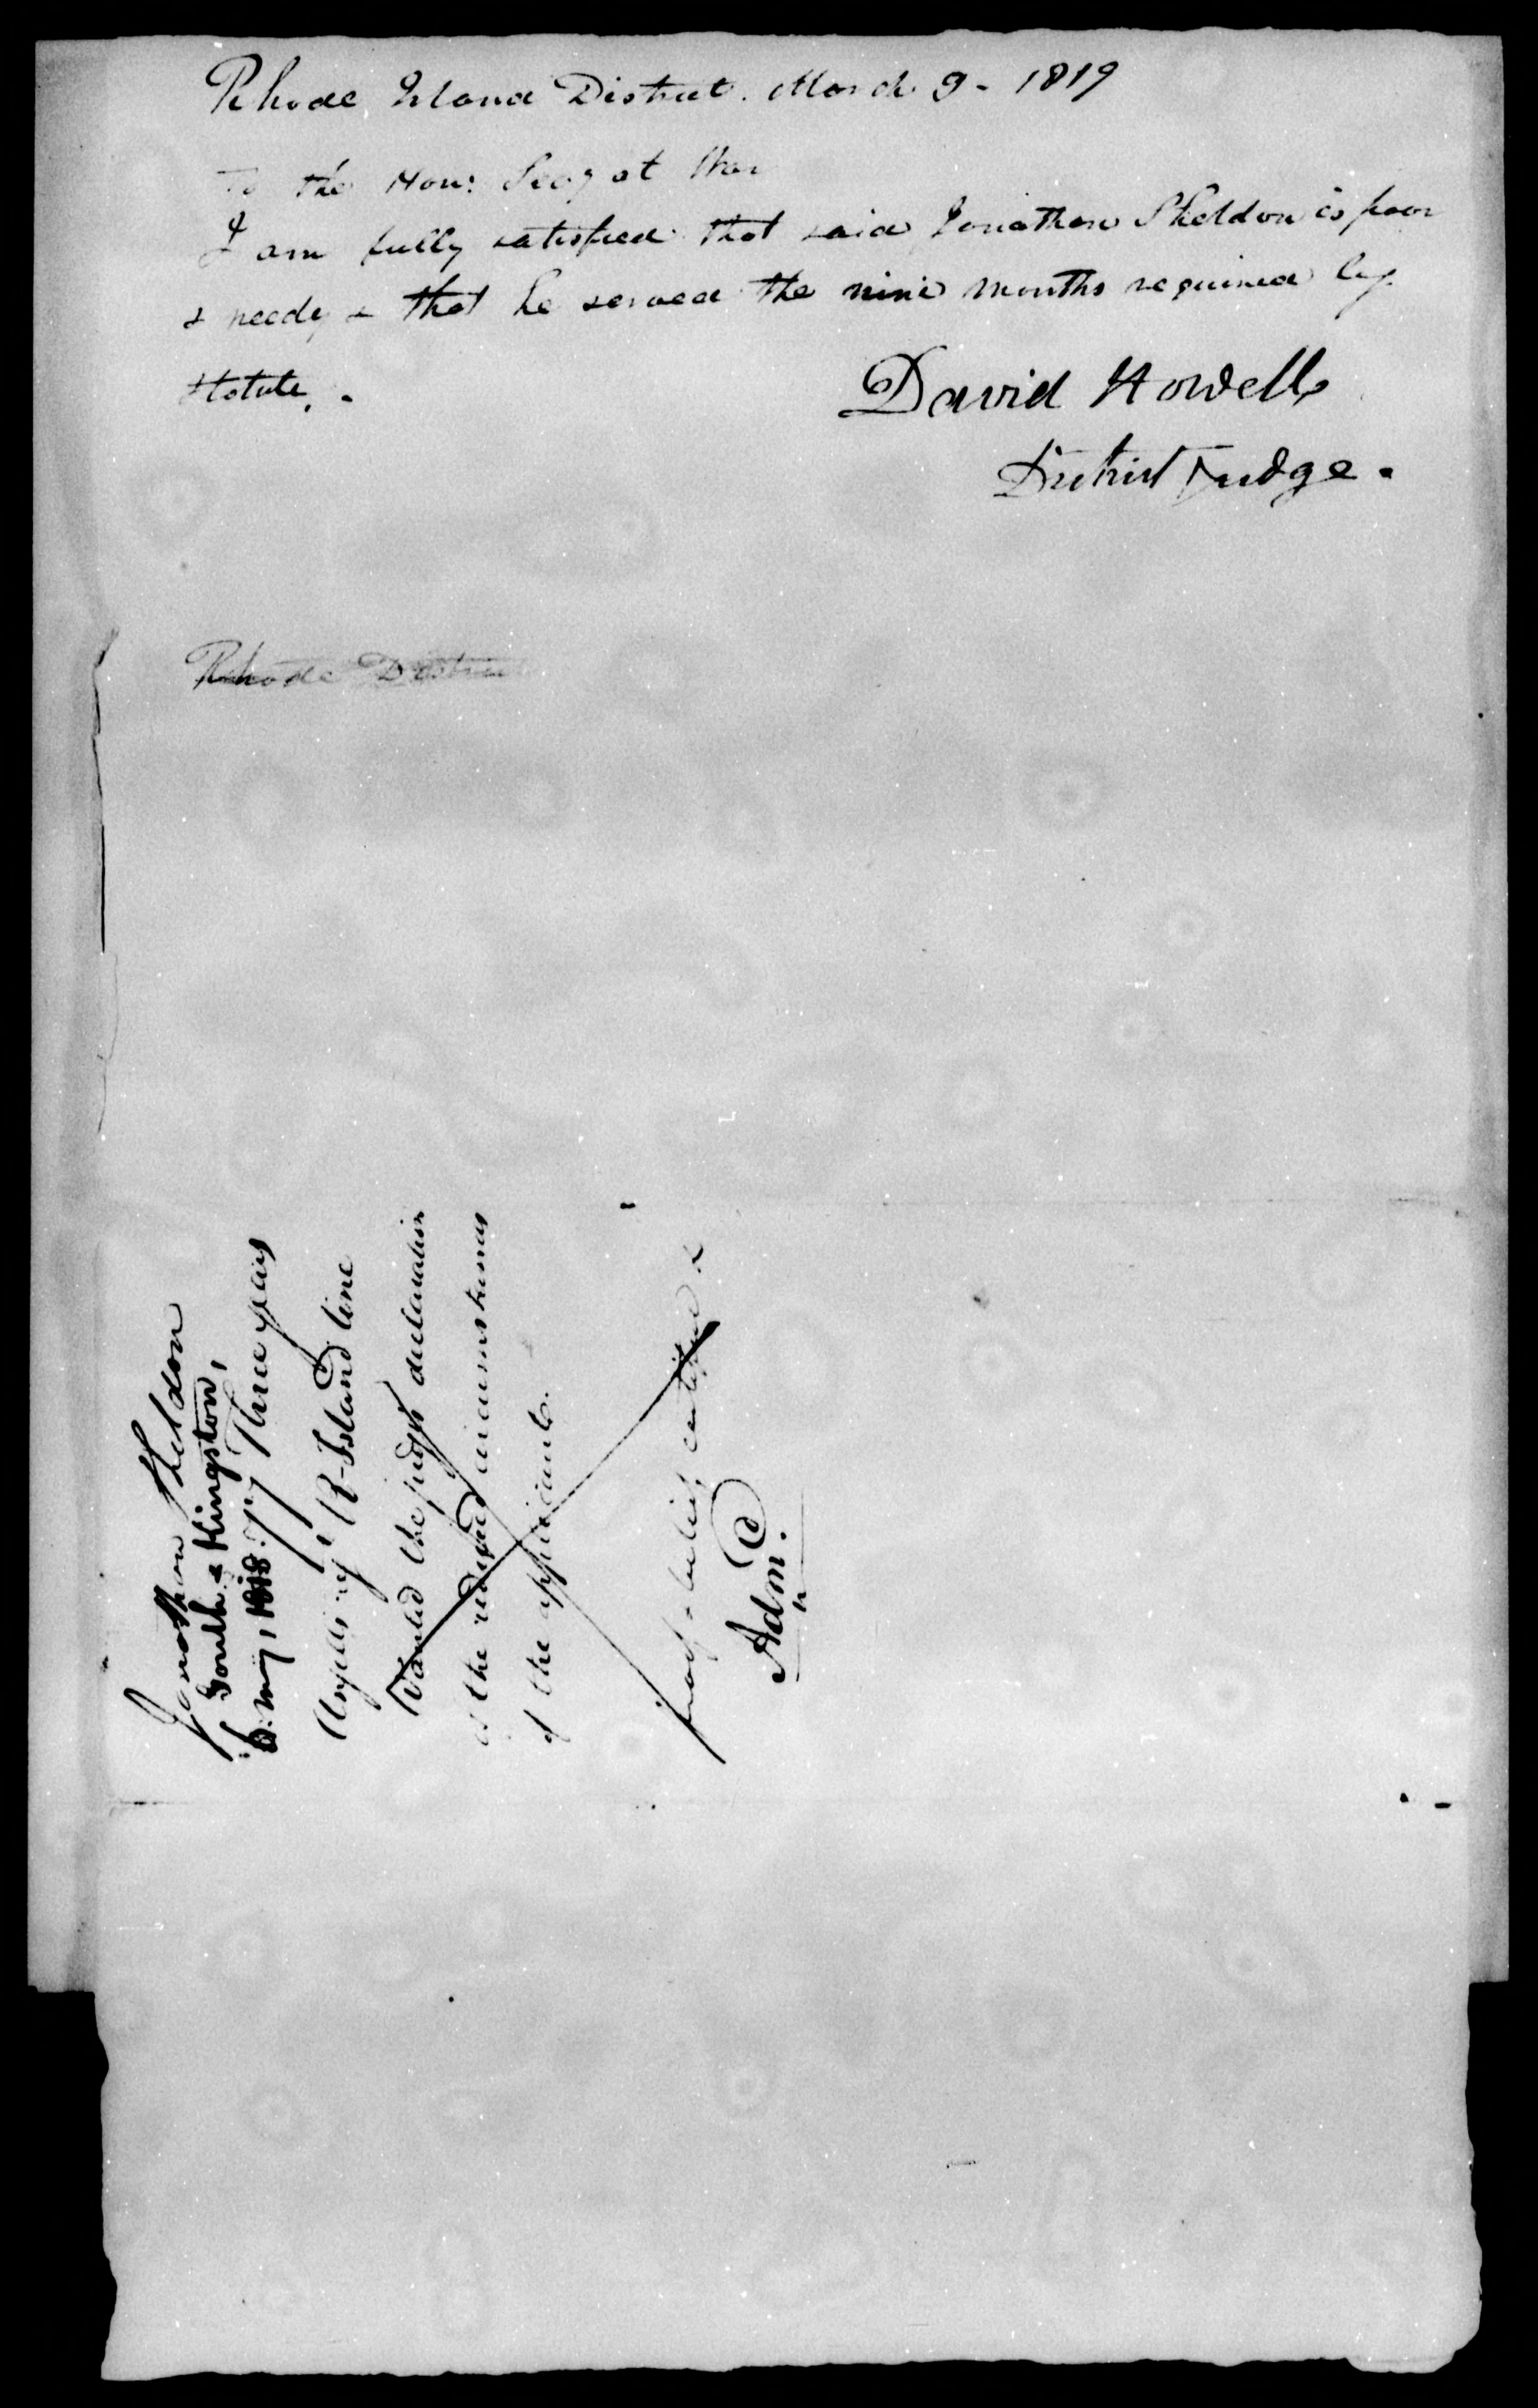Rhode Island District. March 9-1819

To the Hon: Secy at War
I am fully satisfied that said Jonathan Sheldon is poor & needy & that he served the nine months required by statute.
David Howell
District Judge

Rhode District [on the left side]

Jonathan Sheldon
South Kingston, 
6. May, 1818. 77  Three years
Angells reg R-Island line

[A large X over everything below]

[illegible] the judges declaration as the 
[illegible] circumstances of the applicants.

[illegible] & belief certified 
Adm.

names: Jonothon Sheldon; David Howell; Jonathan Sheldon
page: 10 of 11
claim: survivor's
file: S. 39840, for Jonathan Sheldon, Rhode Island